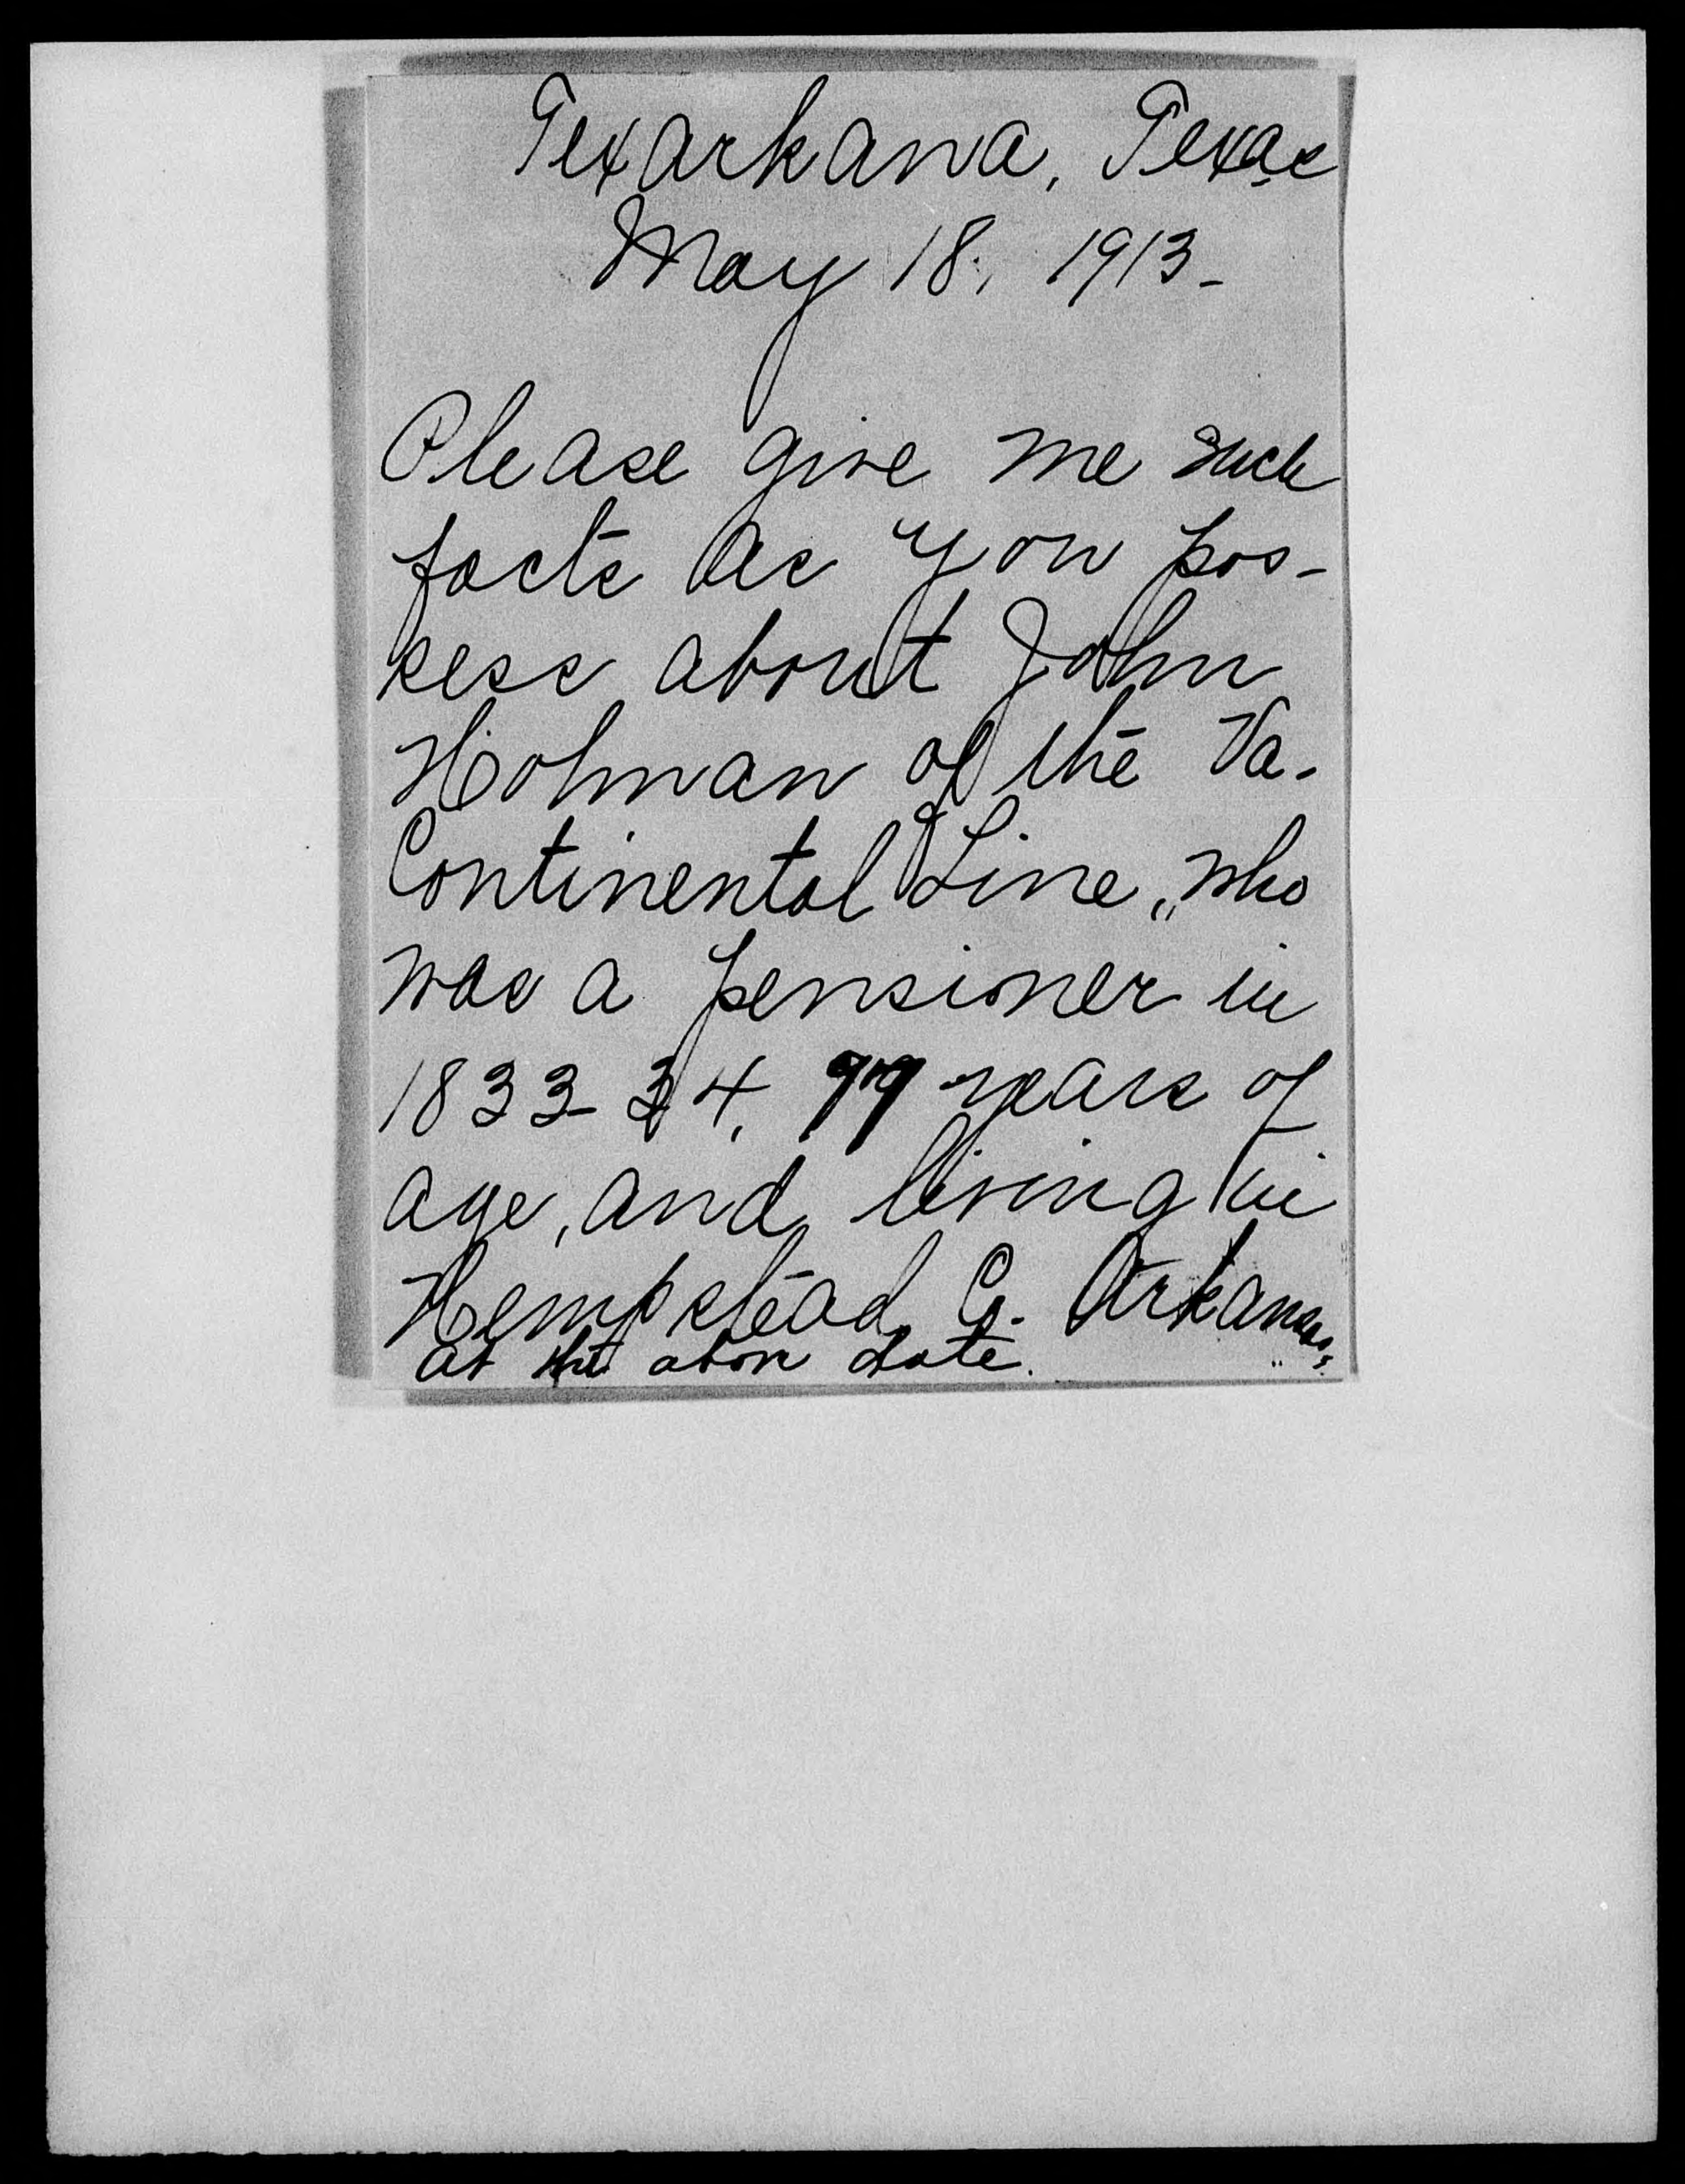Texarkana, Texas
May 18,1913
Please give me such facts as you possess about John Holman of the Va. Continental Line 
who was a pensioner in 1833 34. 77 years of age, and living in Hempstead Co. Arkansas  
at the above date.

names: John Holman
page: 24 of 30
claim: survivor's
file: S. 31753, John Holman, Va.